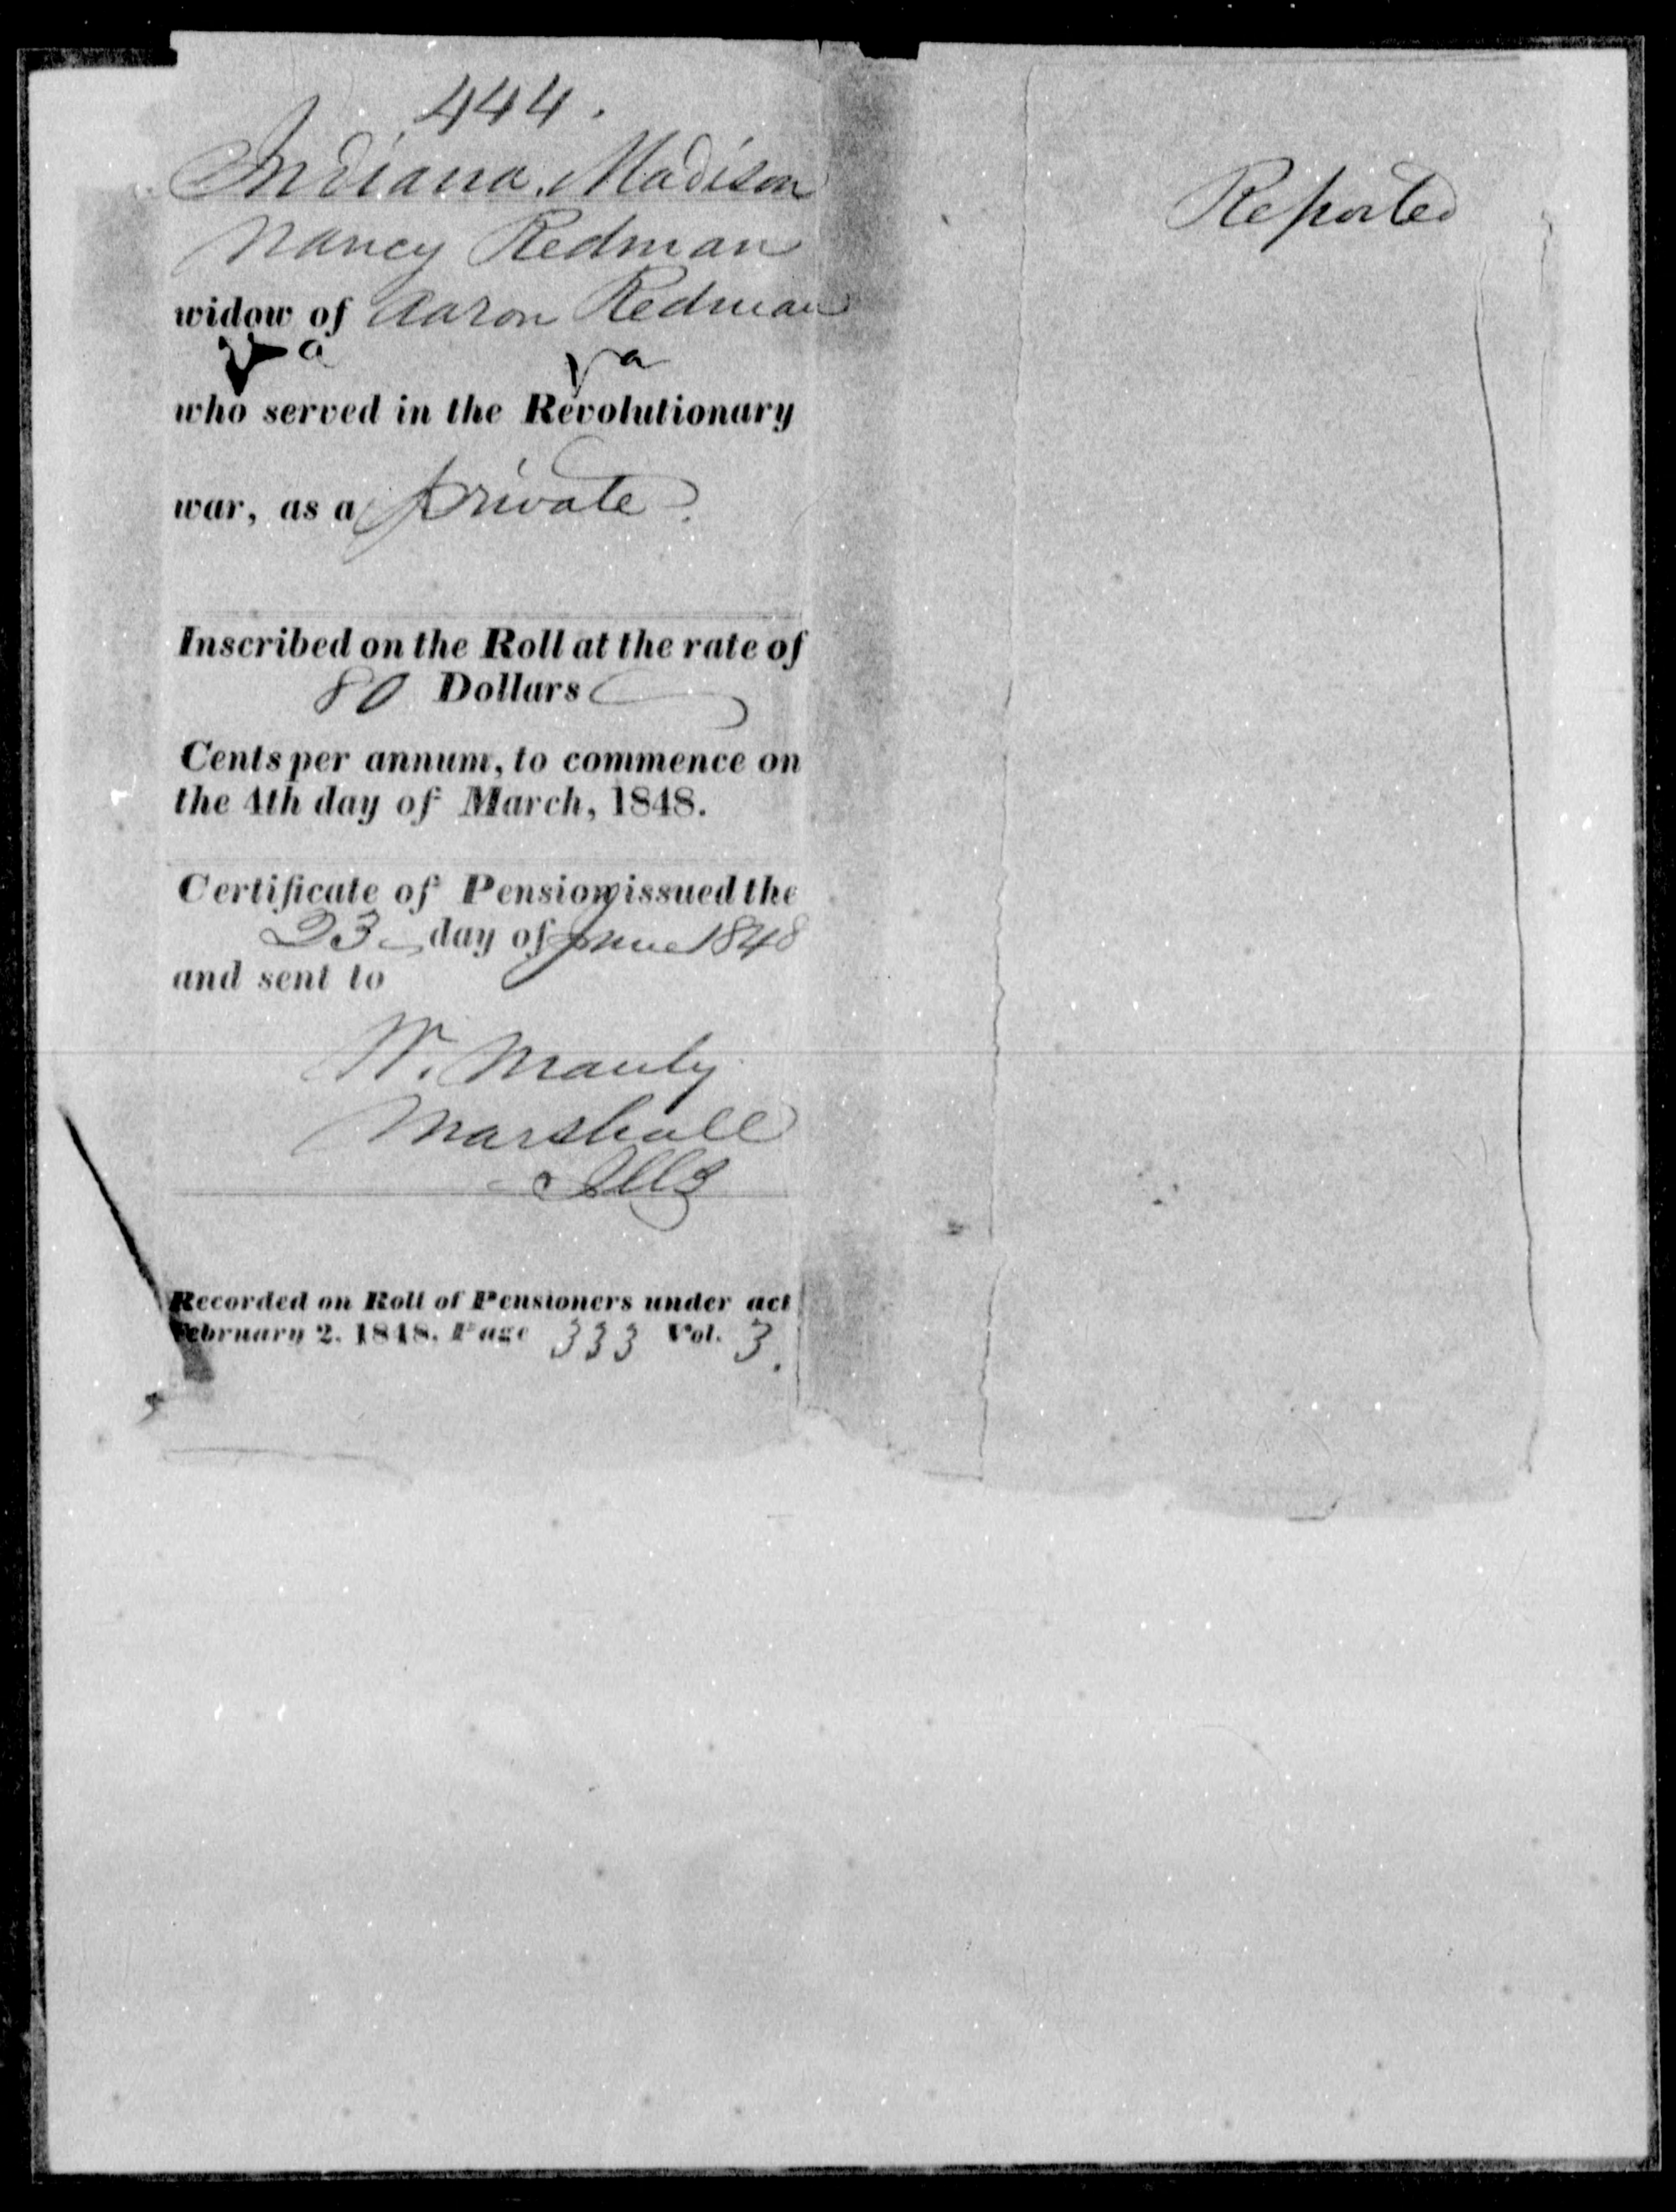444
Indiana, Madison
Nancy Redman
widow of Aaron Redman
who served in the Revolutionary
war, as a private.

Inscribed on the Roll at the rate of 80 Dollars - Cents per annum, to commence on the 4th day of March, 1848.

Certificate of Pension issued the 23 day of June 1848 and sent to

Mr. Mauly
Marshall
(illegible)

Recorded on Roll of Pensioners under act
February 2, 1848, page 333 Vol. 3.

Reported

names: W Manly; Aaron Redman; Nancy Redman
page: 11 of 57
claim: widow's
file: W. 9,622, for Aaron Redman, Virginia